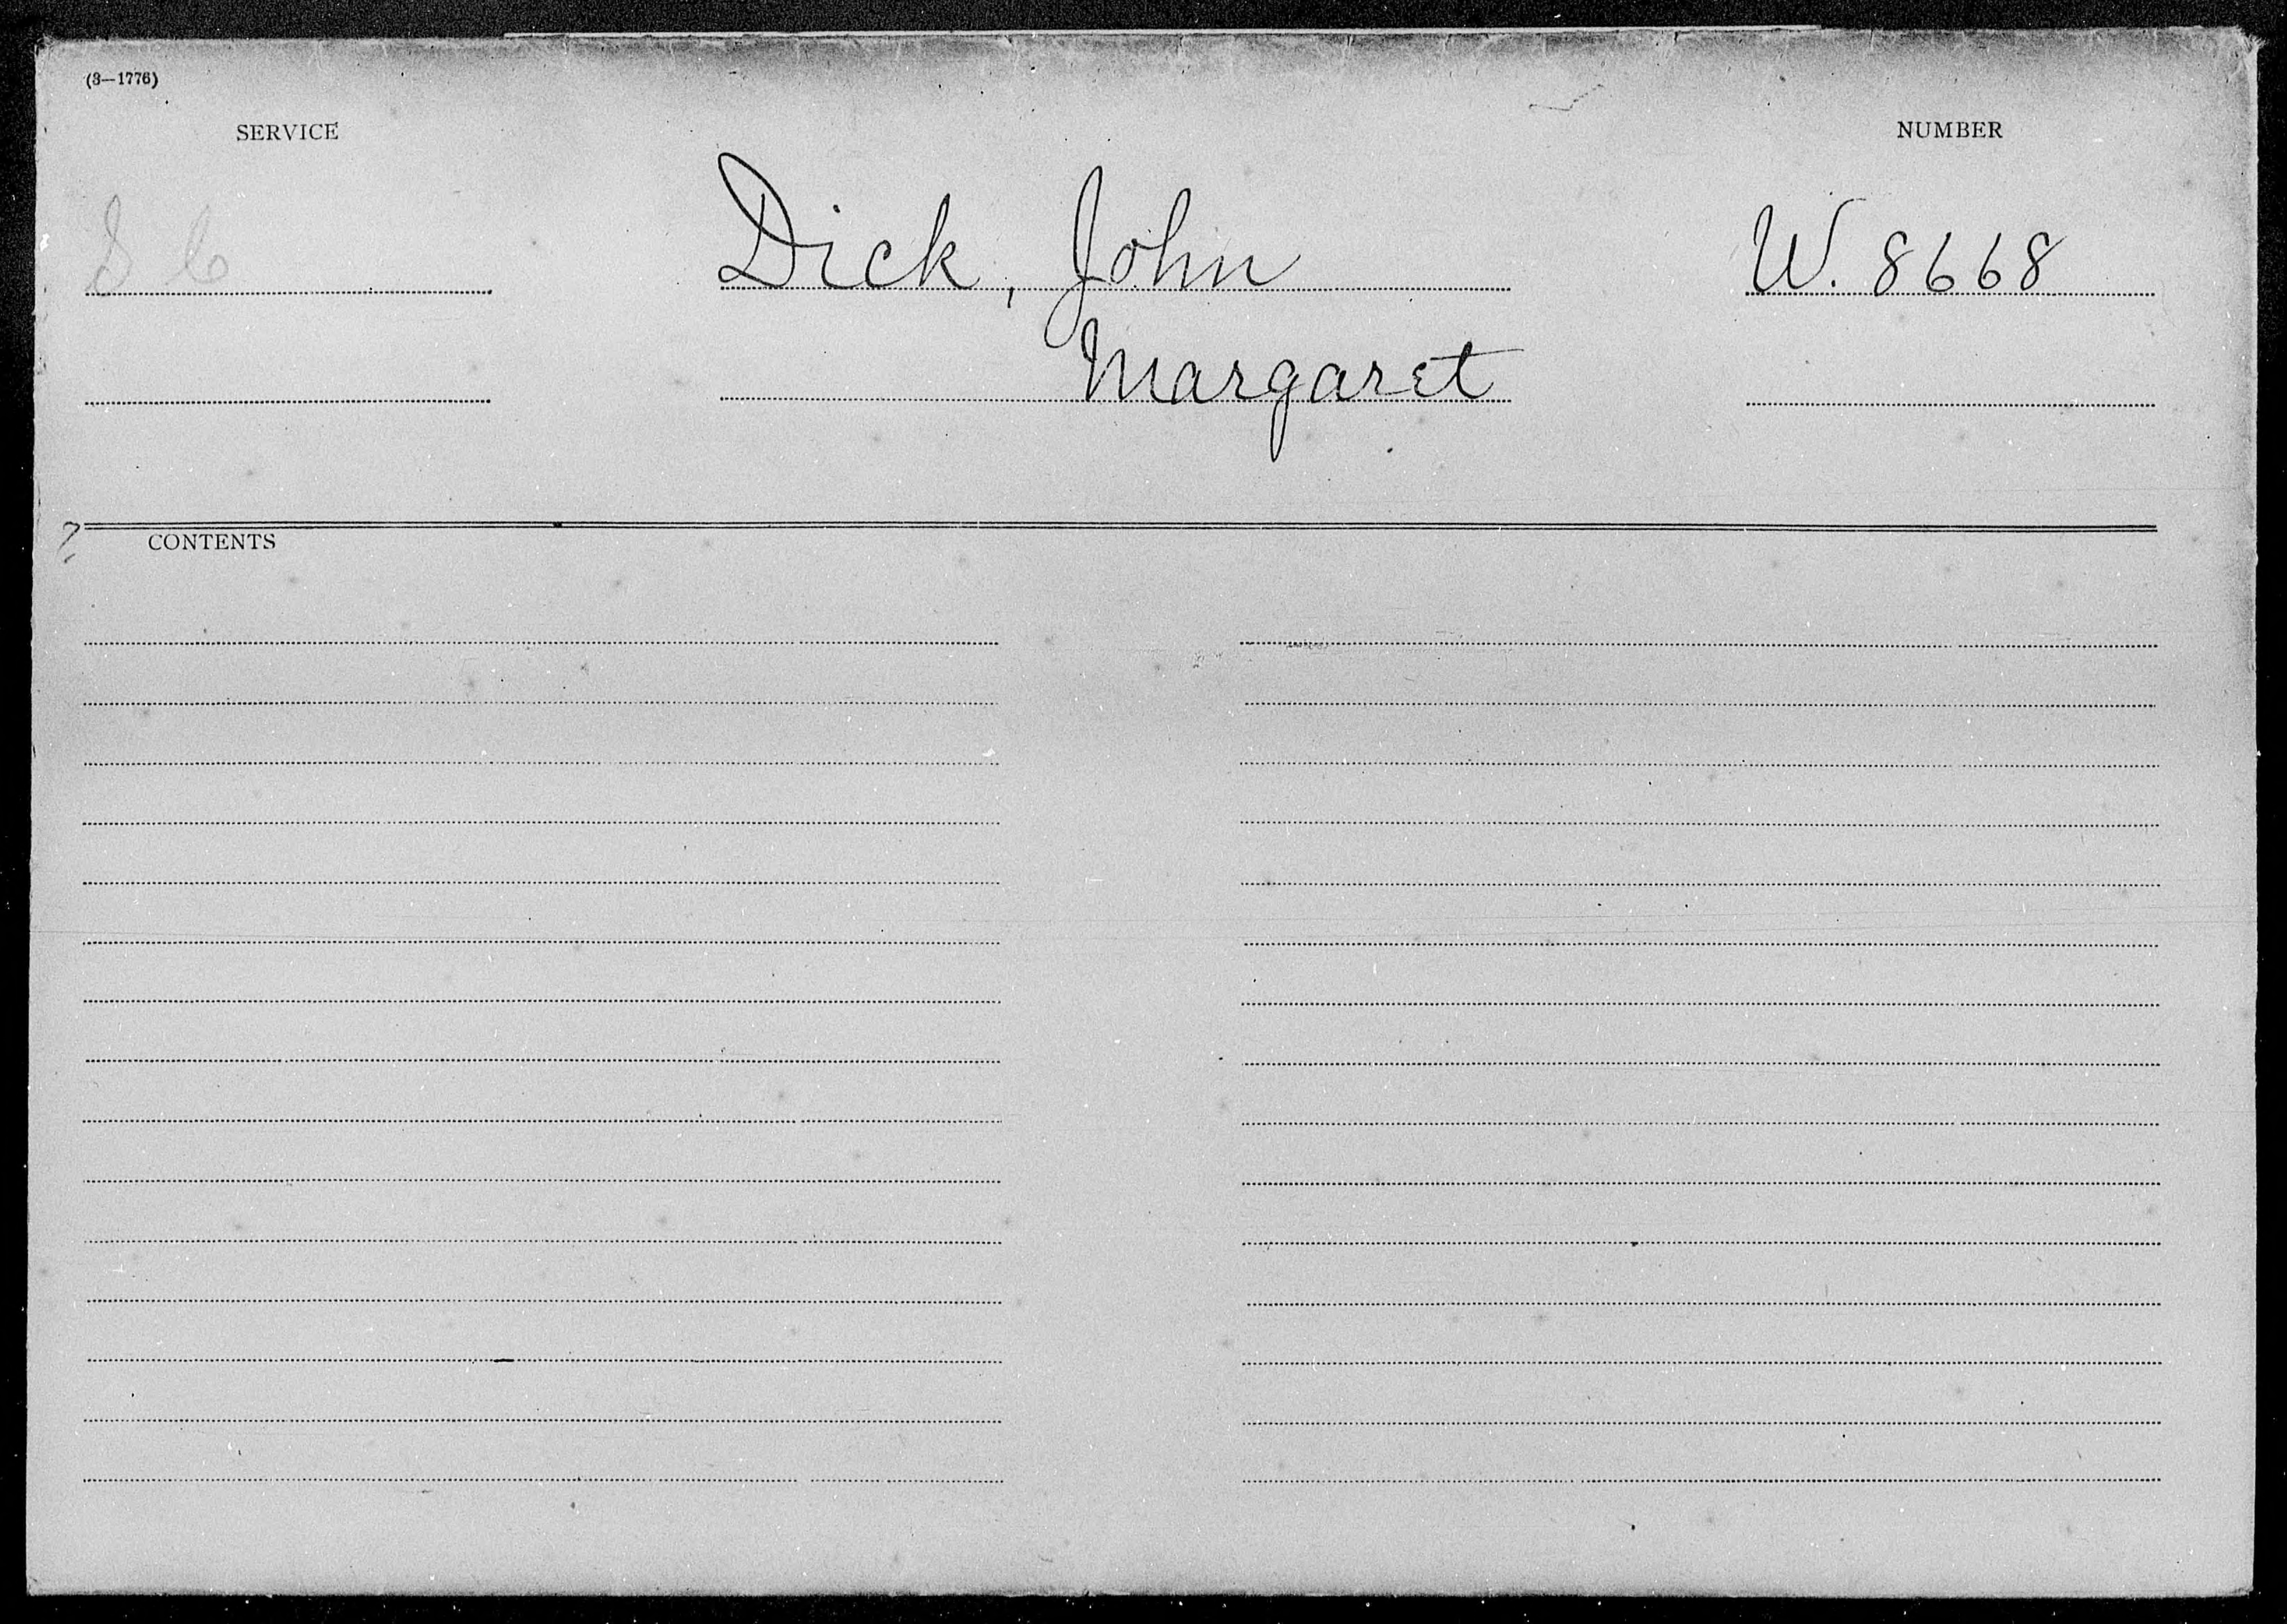(8-1776) SERVICE CONTENTS NUMBER [illegible] Dick , John Margaret & NUMBER W. 8668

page: 1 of 31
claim: widow's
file: W. 8668, John Dick, S C